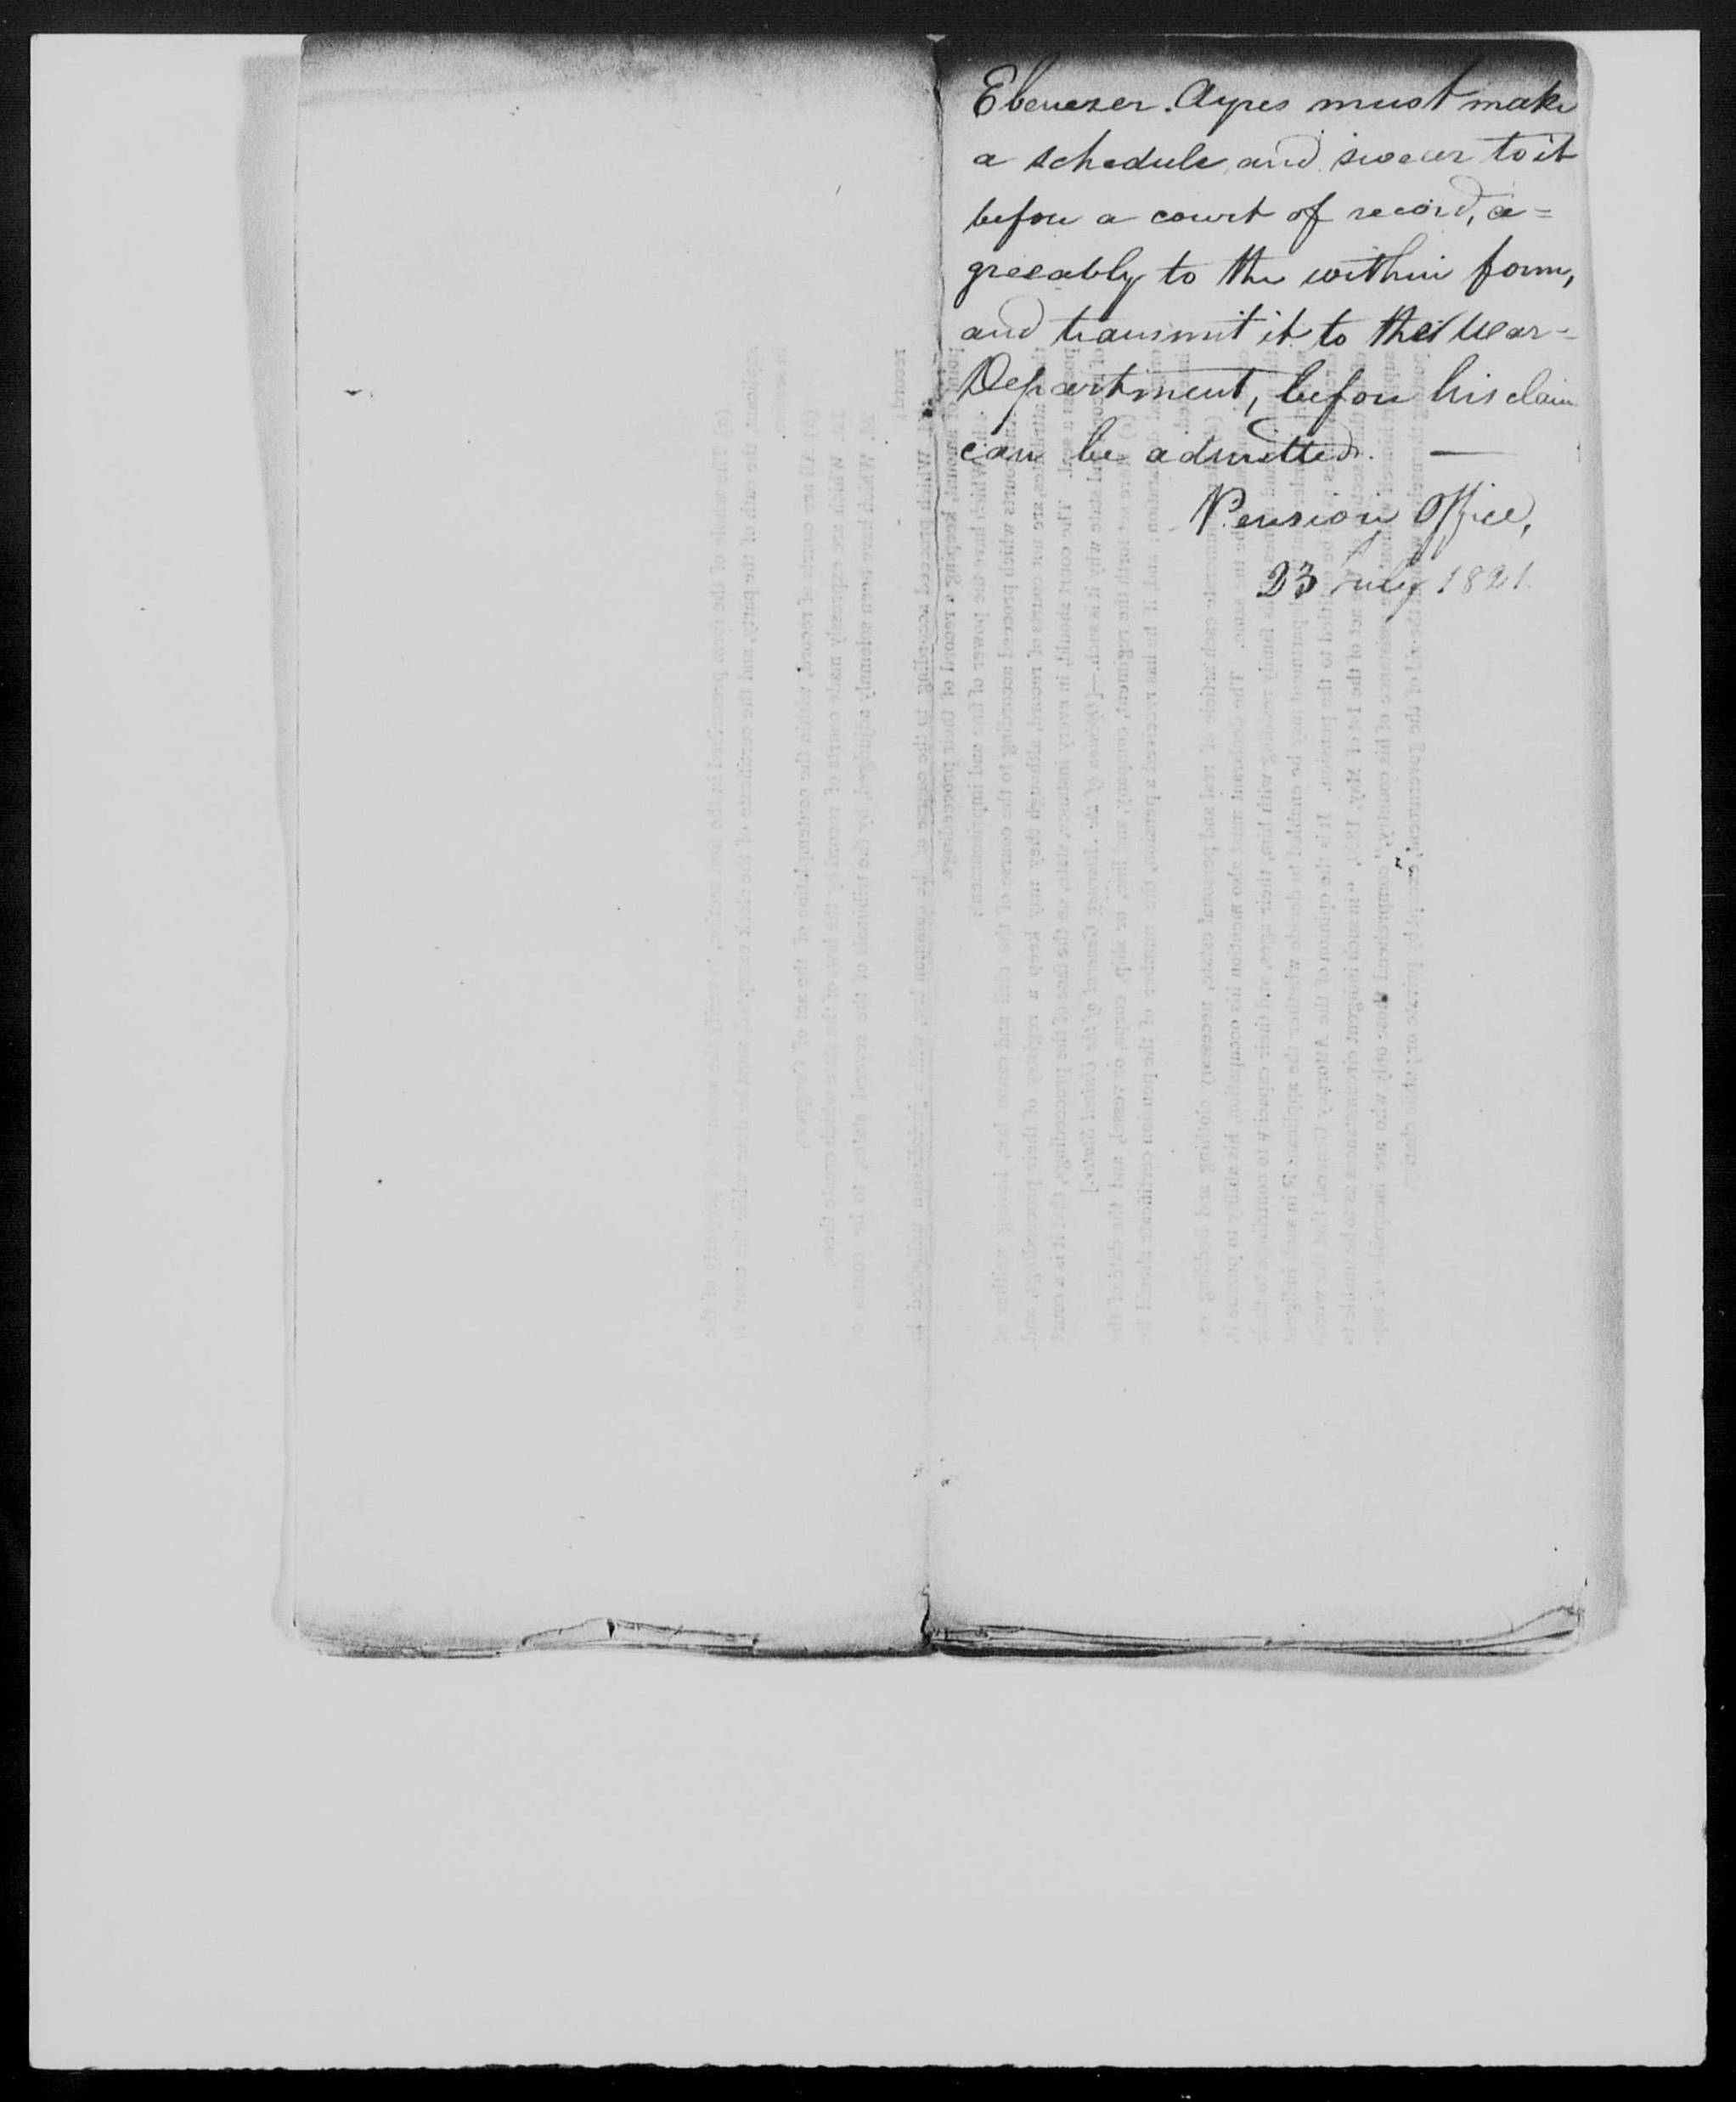Ebenezer Ayres must make a schedule and swear to it before a court of record, a-greeably to the  within form and transmit it to the War Department before his claim can be admitted
Pension Office 
23 July 1821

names: Ebenezer Ayres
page: 6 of 50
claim: widow's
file: W. 8559, Ebenezer Ayer, Continental (Conn)